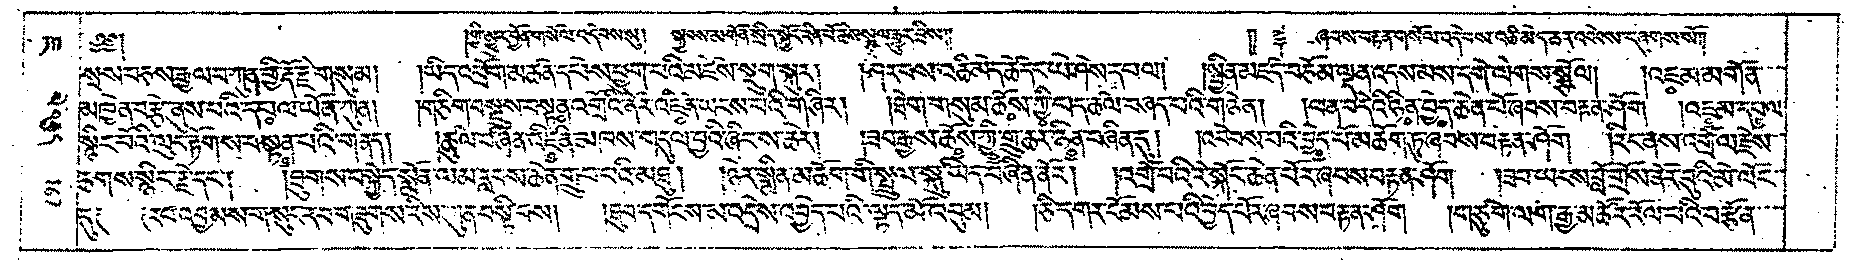༄༅། །གྱི་མྱུར་བྱོན་གསོལ་འདེབས་སུ། སྐྱབས་མགོན་སྲིད་སྐྱོང་རིན་པོ་ཆེས་སྩལ་རྒྱུར་བྲིས།། །། ༈ ཞབས་བརྟན་གསོལ་འདེབས་འཆི་མེད་ཆར་འབེབས་བཞུགས་སོ།།
སྲས་བཅས་རྒྱལ་བ་ཀུན་གྱི་རྡོ་རྗེ་གསུམ། །ཡིད་འཕྲོག་མཚན་དཔེས་ཕྱུག་པའི་མཛེས་སྡུག་སྐུར། །ཤར་བས་འཆི་མེད་ཚེ་དང་ཡེ་ཤེས་དཔལ། །སྦྱིན་མཛད་བཅོམ་ལྡན་འདས་མས་དགེ་ལེགས་སྩོལ། །འཇམ་མགོན་
མཁྱེན་བརྩེ་ནུས་པའི་དཔལ་ཡོན་ཀུན། །གཅིག་བསྡུས་བསྟན་འགྲོའི་ནོར་འཛིན་ཡངས་པའི་གཞིར། །ཐེག་གསུམ་ཆོས་ཀྱི་པད་ཚལ་བཞད་པའི་གཉེན། །ཕན་བདེའི་ཉིན་བྱེད་ཆེན་པོ་ཞབས་བརྟན་ཤོག །འཇམ་དཔལ་
སྙིང་པོའི་ལུང་རྟོགས་བསྟན་པའི་གནད། །ཚུལ་བཞིན་འཛིན་མཁས་གདུལ་བྱའི་ཞིང་ས་ཆེར། །ཟབ་རྒྱས་ཆོས་ཀྱི་གྲུ་ཆར་ཉིན་བཞིན་དུ། །འབེབས་པའི་བྱེད་པོ་མཆོག་ཏུ་ཞབས་བརྟན་ཤོག །རིང་ནས་འགྲོ་ལ་རྗེས་
ཆགས་སྙིང་རྗེ་དང་། །ཐུགས་བསྐྱེད་སྨོན་ལམ་རླབས་ཆེན་གྲུབ་པའི་མཐུ། །ཉེར་སྨིན་མཆོག་གི་སྤྲུལ་སྐུ་ཡིད་བཞིན་ནོར། །འགྲོ་བའི་རེ་སྐོང་ཆེན་པོར་ཞབས་བརྟན་ཤོག །ཟབ་ཡངས་བློ་གྲོས་ནོར་བུའི་མེ་ལོང་
དུ༑ ༑རབ་འབྱམས་གསུང་རབ་གཟུགས་རིས་ཀུན་བསྟི་བས། །ཐུབ་དགོངས་མ་འདྲེས་འབྱེད་པའི་ལྟད་མོ་འབུམ། །ཅི་དགར་ངོམས་པའི་བྱེད་པོར་ཞབས་བརྟན་ཤོག །གཙུག་ལག་རྒྱ་མཚོར་རོལ་པའི་བརྩོན་